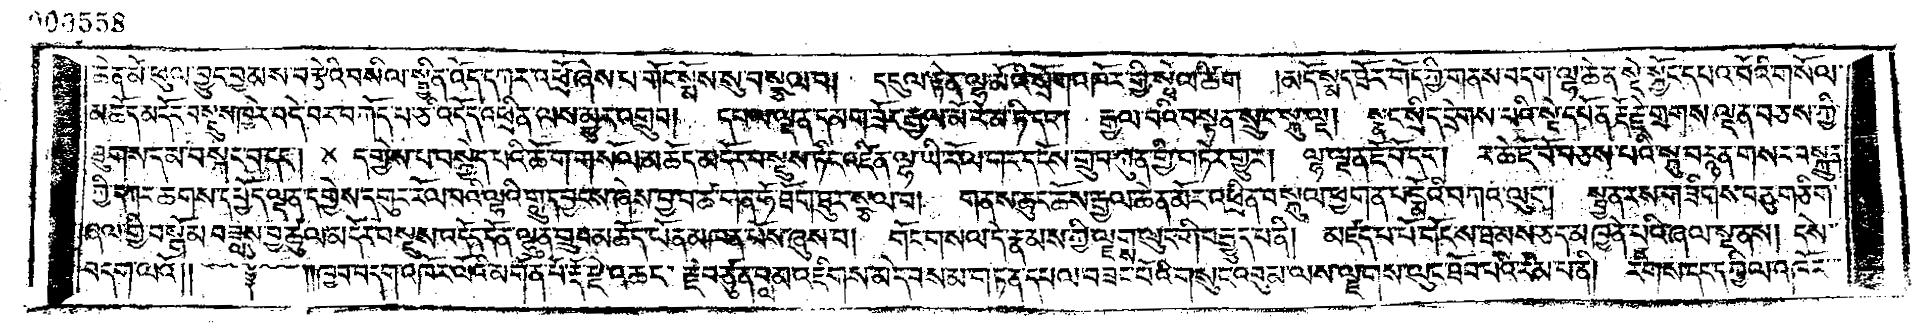ཆེན་མོ་ཕུལ་བྱུང་བྱམས་བརྩེའི་བསིལ་སྦྱིན་འོད་དཀར་འཕྲོ་ཞེས་པ་གོང་སྨོས་སུ་བསྩལ་བ། དངུལ་རྟེན་ལྷ་མོའི་སྲོག་འཁོར་གྱི་སྤེལ་ཚིག །མདོ་སྨད་ཐོར་གོད་ཀྱི་གནས་བདག་ལྷ་ཆེན་སྡེ་སྐྱོང་དཔའ་བོའི་གསོལ་
མཆོད་མདོར་བསྡུས་ཁྱེར་བདེ་བར་བཀོད་པ་ཅི་འདོད་འཕྲིན་ལས་མྱུར་འགྲུབ། དཔལ་ལྡན་དམག་ཟོར་རྒྱལ་མོ་རེ་མ་ཏི་དང་། རྒྱལ་བའི་བསྟན་སྲུང་སྐུ་ལྔ། སྣང་སྲིད་དྲེགས་པའི་སྡེ་དཔོན་རྡོ་རྗེ་གྲགས་ལྡན་བཅས་ཀྱི་
ཐུགས་དམ་བསྐང་བ་དང་། ྾་དགྱེས་པ་བསྐྱེད་པའི་ཆོ་ག་གསོལ་མཆོད་མདོར་བསྡུས་ཏིང་འཛིན་ལྷ་ཡི་རོལ་གར་དངོས་གྲུབ་ཀུན་གྱི་གཏེར་གྱུར། ལྷ་ལྡན་ཇོ་བོ་དང་། ར་ཆེ་ཇོ་བོ་བཅས་པའི་སྐུ་བརྙན་གསར་བསྐྲུན་
ཀྱི་དཀར་ཆགས་དཔྱོད་ལྡན་དགྱེས་དགུར་རོལ་བའི་ལྷའི་གླུ་དབྱངས་ཞེས་བྱ་བ་ཚ་གན་ཧོ་ཐོག་ཐུར་སྩལ་བ། གནས་ཆུང་ཆོས་རྒྱལ་ཆེན་མོར་འཕྲིན་བསྐུལ་ཕྱག་ན་པདམོའི་བཀའ་ལུང་། སྤྱན་རས་གཟིགས་བཅུ་གཅིག་
ཞལ་གྱི་བསྒོམ་བཟླས་བྱ་ཚུལ་མདོར་བསྡུས་འདོད་དོན་ལྷུན་གྲུབ་མཆོད་ཡོན་མཁན་པོས་ཞུས་པ། གོང་གསལ་དེ་རྣམས་ཀྱི་ལྗགས་ལུང་གི་བརྒྱུད་པ་ནི། མཛད་པ་པོ་གོང་ས་ཐམས་ཅད་མཁྱེན་པའི་ཞལ་སྔ་ནས། དེས་
བདག་ལའོ།། ༈ །།ཁྱབ་བདག་འཁོར་ལོའི་མགོན་པོ་རྡོ་རྗེ་འཆང་རྗེ་བཙུན་བླ་མ་འཇིགས་མེད་བསམ་གཏན་དཔལ་བཟང་པོའི་གསུང་འབུམ་ལས་ལྗགས་ལུང་ཐོབ་པའི་རིམ་པ་ནི། རིགས་དང་དཀྱིལ་འཁོར་